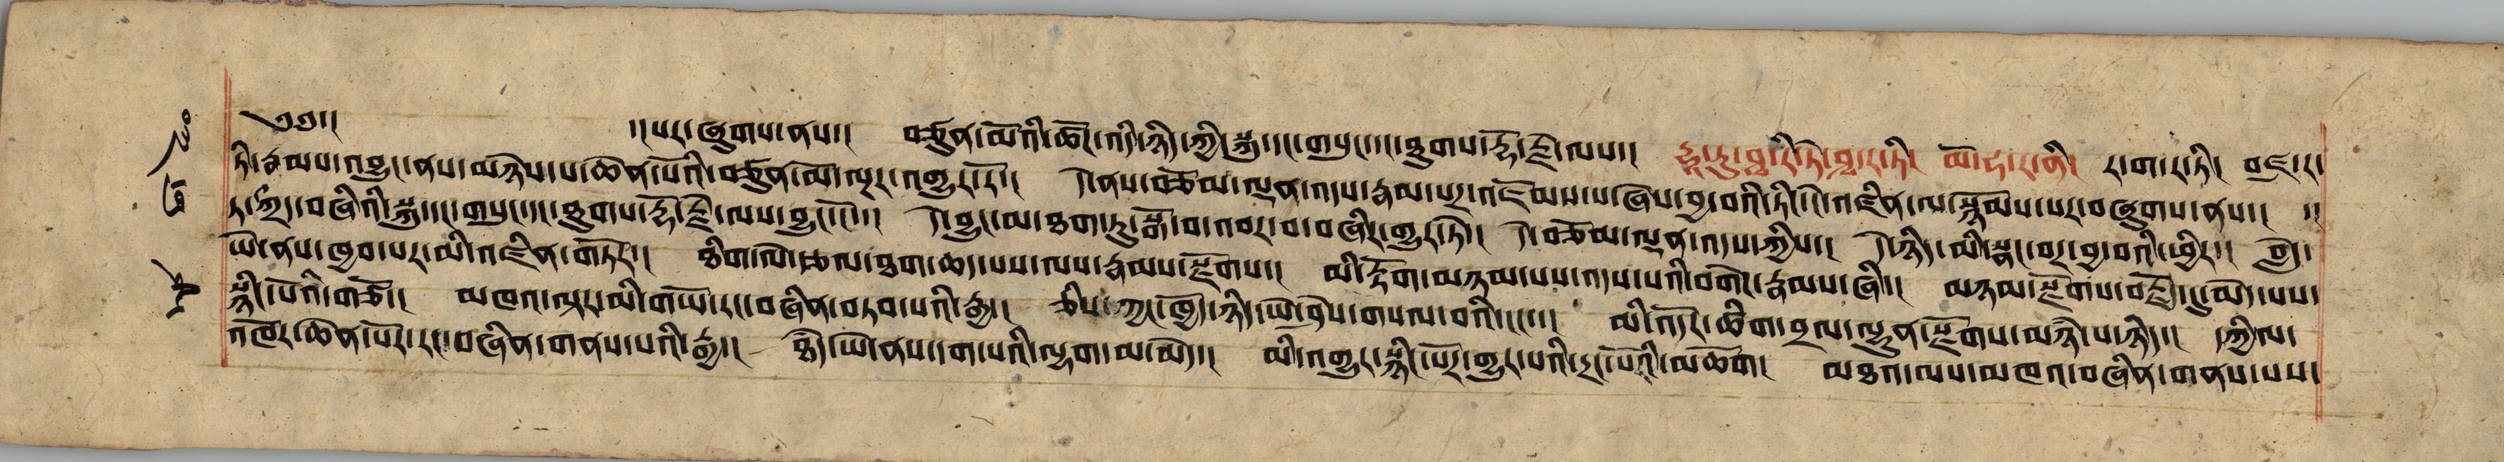༄༅་། ་།པར་ཞུགས་ནས་། བཙུན་མོའི་ཚོཌ་འདི་ཉིད་ཀྱི་སྐུ་དང་གསུང་དང་ཐུགས་རྡོ་རྗེ་ལས་། དྷཱ་རུ་ཤྭ་རི་ཏེ་ཤྭ་ར་ཏི། མོ་ཧ་ར་ནི། ར་ག་ར་ཏི། བཛྲ་ར་
ཏི་རྣམས་འབྱུང་ནས་མཉེས་པ་ཆེན་པོའི་བཙུན་མོ་ལྔར་འགྱུར་རོ་། དེ་ནས་བཅོམ་ལྡན་འདས་རྣམ་པར་འཇོམས་པ་ཞེས་བྱ་བའི་ཏིང་ངེ་འཛིན་ལ་སྙོམས་པར་བཞུགས་ནས་། ་།
ཏ་ཀྲྀད་བཞིའི་སྐུ་དང་གསུང་དང་ཐུགས་རྡོ་རྗེ་ལས་བྱུང་ངོ་་། དེ་བྱུང་མ་ཐག་ཏུ་སྒོ་བ་འབར་བ་བཞིར་གྱུར་ཏེ་། དེ་བཅོམ་ལྡན་འདས་ཀྱིས་། དེ་ཉིད་མི་སྣང་བར་བྱ་བའི་ཕྱིར་། བླེད་
ཡེ་ནས་ཁྱབ་པར་མི་འཛིན་གཏོར་། ཐིག་ལེ་རྩལ་ཐག་ཆད་པས་ལས་རྣམས་སྫོགས་། མི་རྟོག་མཉམ་པས་འདས་པའི་བགེཌ་རྣམས་ཞི་། མཉམ་སྫོགས་བརྗོད་དུ་མེད་པས་
སྙིང་པོའི་གཙོ་། མཁའ་ལྟར་མི་གཡོ་རང་བཞིན་བཏབ་པའི་རྒྱ་། ཅིས་ཀྱང་ཁྱོད་ཉིད་ཡེ་ཤེས་གསལ་བའི་ངང་་། མི་འདོར་ཚིག་བྲལ་ལྷུན་སྫོགས་མཉཾ་པ་ཉིད་། དཀྱིལ་
འཁོར་ཆེན་པོར་རང་བཞིན་གནས་པའི་རྒྱ་། ཐཾད་ཡེ་ནས་དག་པའི་ལྷག་མ་མེད་། མི་འགྱུར་སྙིང་པོར་གྱུར་པའི་དྲང་པོའི་མཆོག། མཐའ་ལས་མཁའ་བཞིན་གནས་པས་